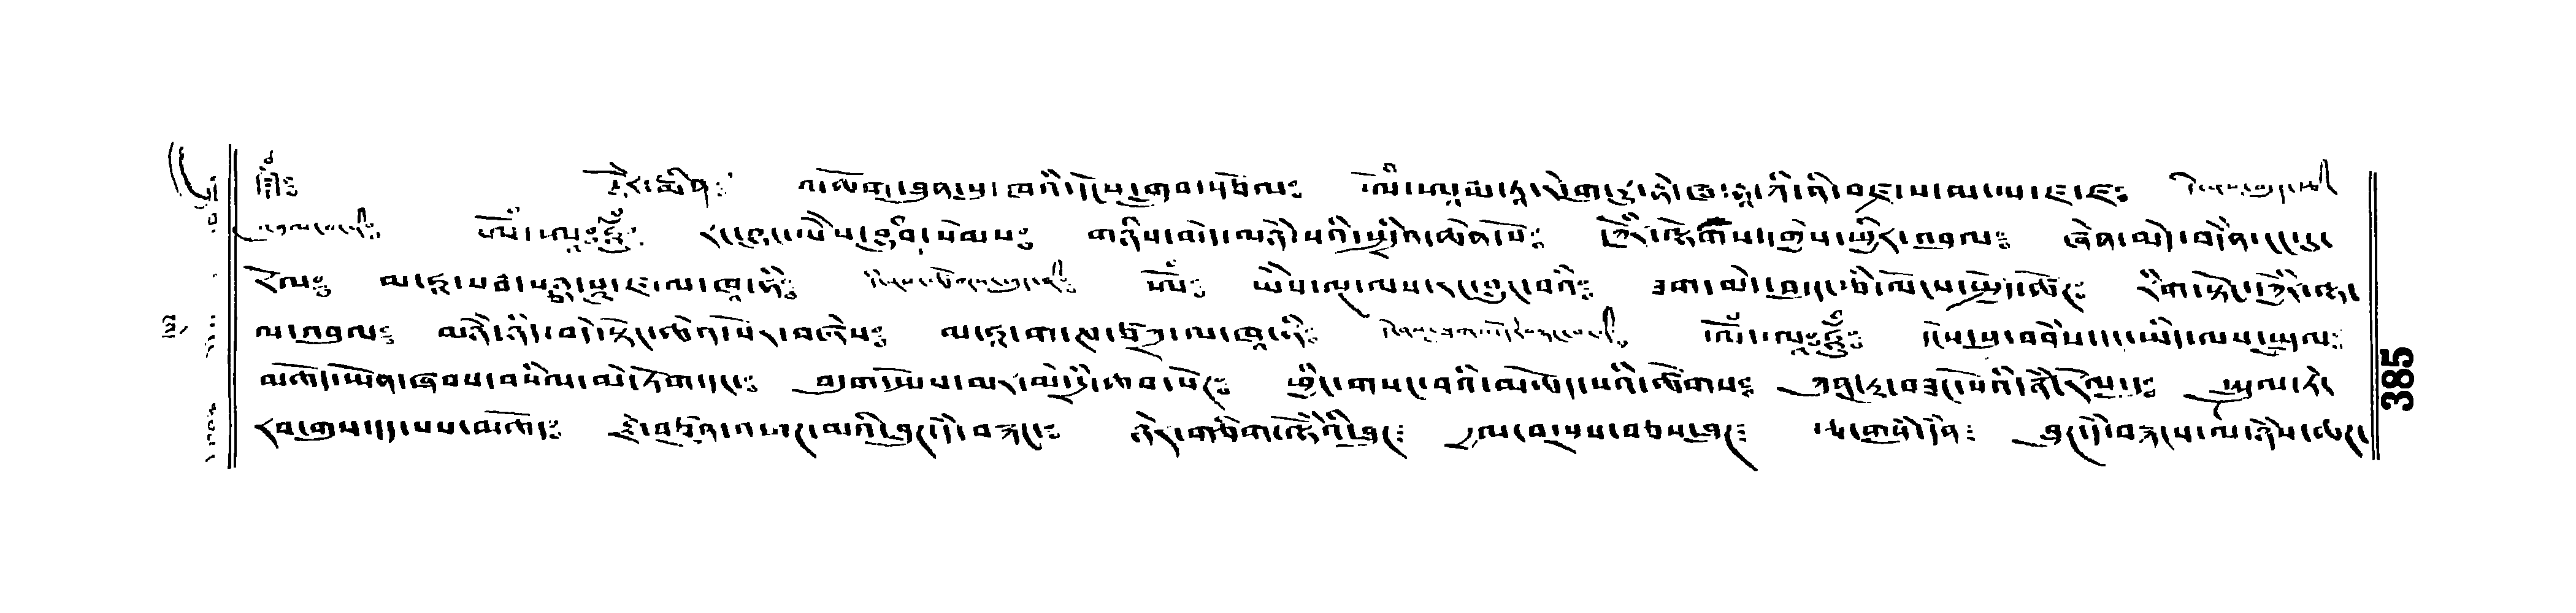རྡོ་རྗེར་སྨིན༔ མཆོག་ཐུན་སུ་ཁའི་དངོས་གྲུབ་སྩོལ༔ ཨོཾ་ཨཱརྻ་ཏཱ་རེ་གུ་རུ་དྷེ་ཝ་དྷཱ་ཀི་ནི་བཛྲ་ས་མ་ཡ་ཛ་ཛཿ དེ་ནས་བདུད་རྩི་
འབུལ་བ་ནི༔ ཨོཾ་ཨཱཿཧཱུྃ༔ རང་བྱུང་ཡེ་ཤེས་བྱང་ཆུབ་སེམས༔ གཉིས་མེད་མཉམ་པའི་སྤྲིན་ཆེན་པོ༔ དཀྱིལ་འཁོར་ལྷ་ཚོགས་དགྱེས་ཕྱིར་འབུལ༔ ཞེན་མེད་བདེ་ཆེན་ངང་དུ་
རོལ༔ མ་ཧཱ་སརྦ་པཉྩ་པཱུ་ཛ་ལ་ཁཱ་ཧིཿ དེ་ནས་ཚོགས་ཕུད་ནི༔ ཨོཾ༔ ཡེ་ཤེས་ལྔ་ལས་རང་བྱུང་བའི༔ཟག་མེད་བདུད་རྩི་ལོངས་སྤྱོད་ཚོགས༔ རིག་སྟོང་དཀྱིལ་འཁོར་ལྷ་
ལ་འབུལ༔ མཉམ་ཉིད་བདེ་སྟོང་ཆེན་པོར་བཞེས༔ མ་ཧཱ་ག་ཎ་ཙཀྲ་ལ་ཁཱ་ཧིཿ དེ་ནས་ཐུགས་དམ་བསྐང་བ་ནི༔ ཨོཾ་ཨཱཿཧཱུྃ༔ དངོས་སུ་བཤམས་དང་ཡིད་ལས་སྤྲུལ༔ 
མཆོད་ཡོན་ཞབས་བསིལ་མེ་ཏོག་དང༔ བདུག་སྤོས་དམར་མེ་དྲི་ཆབ་སོགས༔ ཕྱི་ནང་གསང་བའི་མཆོད་པའི་ཚོགས༔ ཀུན་ཏུ་བཟང་པོའི་རྣམ་རོལ་དུ༔ སྤྲུལ་ཏེ་
རབ་གུས་དད་པས་མཆོད༔ རྗེ་བཙུན་འཕགས་མའི་ཐུགས་དམ་བསྐང༔ ཉེར་གཅིག་ལྷ་མོའི་ཐུགས༴ རྒྱལ་བ་སྲས་བཅས་ཐུགས༴ རྩ་གསུམ་དམ་ཅན༴ ཐུགས་དམ་བསྐངས་ལ་ཉམས་ཆག་